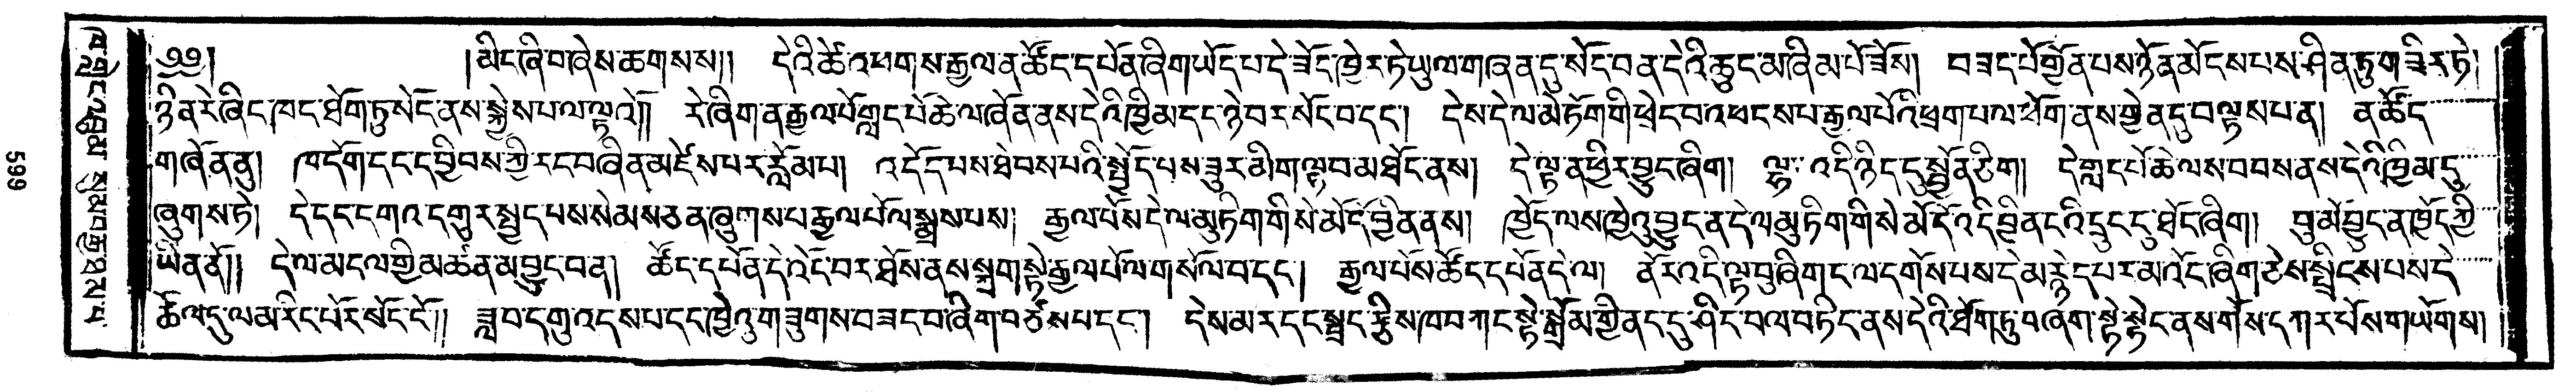༄༅། །མིང་ཞི་བ་ཞེས་ཆགས་ས།། དེའི་ཚེ་འཕགས་རྒྱལ་ན་ཚོང་དཔོན་ཞིག་ཡོད་པ་དེ་ཟོད་ཁྱེར་ཏེ་ཡུལ་གཞན་དུ་སོང་བ་ན་དེའི་ཆུང་མ་ཞིམ་པོ་ཟོས། བཟད་པོ་གྱོན་པས་ཉོན་མོངས་པས་ཤིན་ཏུ་གཟིར་ཏེ།
ཉིན་རེ་ཞིང་ཁང་ཐོག་ཏུ་སོང་ནས་སྐྱེས་པ་ལ་ལྟའོ།། རེ་ཞིག་ན་རྒྱལ་པོ་གླང་པོ་ཆེ་ལ་ཞོན་ནས་དེའི་ཁྱིམ་དང་ཉེ་བར་སོང་བ་དང་། དེས་དེ་ལ་མེ་ཏོག་གི་ཕྲེང་བ་རྒྱལ་པོའི་ཕྲག་པ་ལ་ཕོག་ནས་གྱེན་དུ་བལྟས་པ་ན། ན་ཚོད་
གཞོན་ནུ། ཁ་དོག་དང་དབྱིབས་ཀྱི་རང་བཞིན་མཛེས་པར་རློམ་པ། འདོད་པས་ཐེབས་པའི་སྤྱོད་པས་ཟུར་མིག་ལྟབ་མཐོང་ནས། དེ་ལྟ་ན་ཕྱིར་བྱུང་ཞིག། ལྷ༑ འདི་ཉིད་དུ་སྦྱོན་ཅིག། དེ་གླང་པོ་ཆེ་ལས་བབས་ནས་དེའི་ཁྱིམ་དུ་
ཞུགས་ཏེ། དེ་དང་དགའ་དགུར་སྤྱད་པས་སེམས་ཅན་ཞུགས་པ་རྒྱལ་པོ་ལ་སྨྲས་པས། རྒྱལ་པོས་དེ་ལ་མུ་ཏིག་གི་སེ་མོ་དོ་བྱིན་ནས། ཁྱོད་ལས་ཁྱེའུ་བྱུང་ན་དེ་ལ་མུ་ཏིག་གི་སེ་མོ་དོ་འདི་བྱིན་ངའི་དྲུང་དུ་ཐོང་ཞིག། བུ་མོ་བྱུང་ན་ཁྱོད་ཀྱི་
ཡིན་ནོ།། དེ་ལ་མངལ་གྱི་མཚན་མ་བྱུང་བ་ན། ཚོང་དཔོན་དེ་འོང་བར་ཐོས་ནས་སྐྲག་སྟེ་རྒྱལ་པོ་ལ་གསོལ་བ་དང་། རྒྱལ་པོས་ཚོང་དཔོན་དེ་ལ། ནོར་འདི་ལྟ་བུ་ཞིག་ང་ལ་དགོས་པས་དེ་མ་རྙེད་པར་མ་འོང་ཞིག་ཅེས་སྤྲིངས་པས་དེ་
ཚོལ་དུ་ལམ་རིང་པོར་སོང་ངོ།། ཟླ་བ་དགུ་འདས་པ་དང་ཁྱེའུ་གཟུགས་བཟང་བ་ཞིག་བཙས་པ་དང་། དེས་མར་དང་སྦྲང་རྩིས་ཁ་བཀང་སྟེ་སྒྲོམ་གྱི་ནང་དུ་ཤིང་བལ་བཏིང་ནས་དེའི་ཐོག་ཏུ་བཞག་སྟེ་སྟེང་ནས་གོས་དཀར་པོས་གཡོགས།